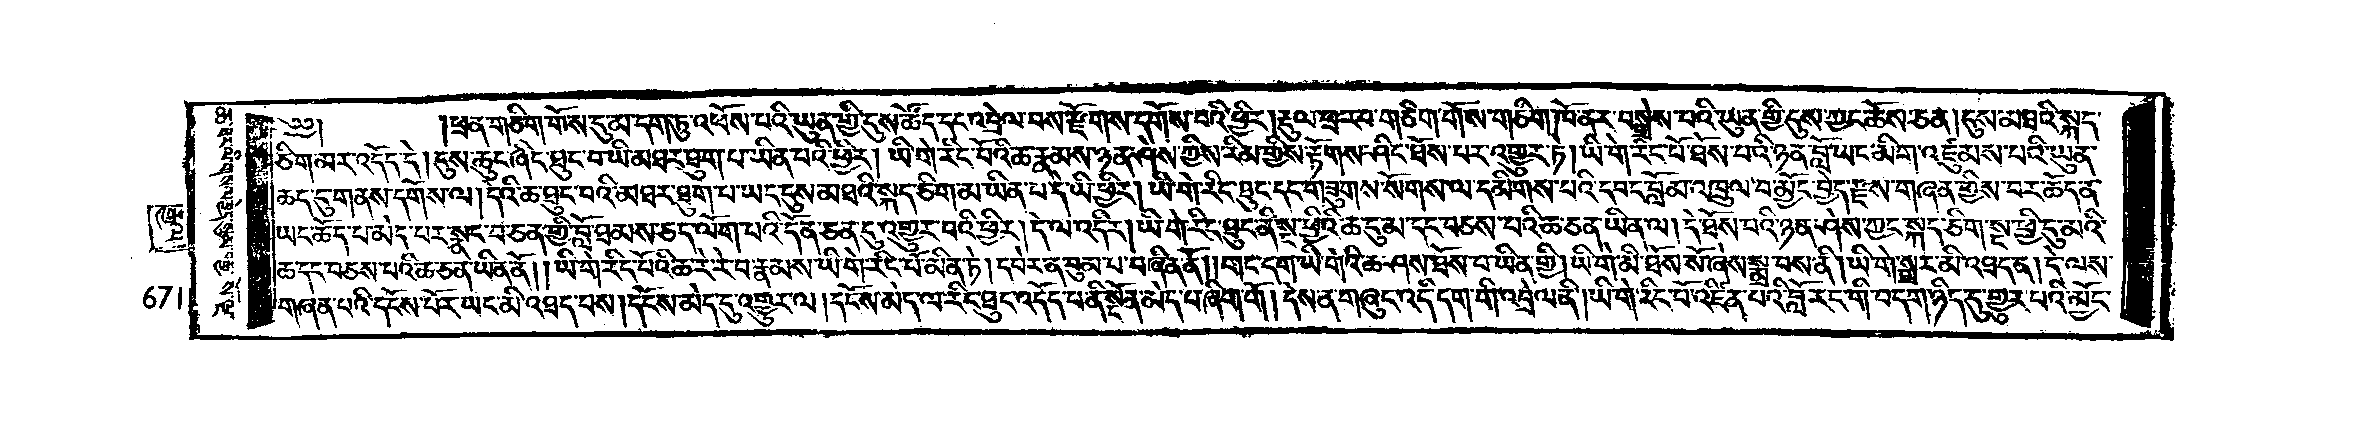༄༅། །ཕྲན་གཅིག་གོ་ས་དུ་མ་དག་ཏུ་འཕོས་པའི་ཡུན་གྱི་དུས་ཚོད་དང་འབྲེལ་བས་རྫོགས་དགོས་པའི་ཕྱིར། རྡུལ་ཕྲ་རབ་གཅིག་གོས་གཅིག་ཁོ་ནར་བསྒྲེས་པའི་ཡུན་གྱི་དུས་ཀྱང་ཆོས་ཅན། དུས་མཐའི་སྐད་
ཅིག་མར་འདོད་དེ། དུས་ཚུང་ཞིང་ཐུང་བ་ཡི་མཐར་ཐུག་པ་ཡིན་པའི་ཕྱིར། ཡི་གེ་རིང་པོའི་ཆ་རྣམས་ཉན་ཤེས་ཀྱིས་རིམ་གྱིས་རྟོགས་ཤིང་ཐོས་པར་འགྱུར་ཏེ། ཡི་གེ་རིང་པོ་ཐོས་པའི་ཉན་བློ་ཡང་མིག་འཛུམས་པའི་ཡུན་
ཚད་དུ་གནས་དགོས་ལ། དེའི་ཆ་ཐུང་བའི་མཐར་ཐུག་པ་ཡང་དུས་མཐའི་སྐད་ཅིག་མ་ཡིན་པ་དེ་ཡི་ཕྱིར། ཡི་གེ་རིང་ཐུང་དང་གཟུགས་སོགས་ལ་དམིགས་པའི་དབང་བློ་མ་འཁྲུལ་བ་མྱོང་བྱེད་རྫས་གཞན་གྱིས་བར་ཆོད་ན་
ཡང་ཆོད་པ་མེད་པར་སྣང་བ་ཅན་གྱི་བློ་ཐམས་ཅད་ལོག་པའི་དོན་ཅན་དུ་འགྱུར་བའི་ཕྱིར། དེ་ལ་འདིར། ཡི་གེ་རིང་ཐུང་ནི་སྔ་ཕྱིའི་ཆ་དུ་མ་དང་བཅས་པའི་ཆ་ཅན་ཡིན་ལ། དེ་ཐོས་པའི་ཉན་ཤེས་ཀྱང་སྐད་ཅིག་སྔ་ཕྱི་དུ་མའི་
ཆ་དང་བཅས་པའི་ཆ་ཅན་ཡིན་ནོ། །ཡི་གེ་རིང་པོའི་ཆ་རེ་རེ་བ་རྣམས་ཡི་གེ་རིང་པོ་མིན་ཏེ། དཔེར་ན་བུམ་པ་བཞིན་ནོ། །གང་དག་ཡི་གེའི་ཆ་ཤས་ཐོས་པ་ཡིན་གྱི། ཡི་གེ་མི་ཐོས་སོ་ཞེས་སྨྲ་བས་ནི། ཡི་གེ་སྒྲར་མི་འཐད་ན། དེ་ལས་
གཞན་པའི་དངོས་པོར་ཡང་མི་འཐད་པས། དངོས་མེད་དུ་འགྱུར་ལ། དངོས་མེད་ལ་རིང་ཐུང་འདོད་པ་ནི་སྔོན་མེད་པ་ཞིག་གོ ། དེས་ན་གཞུང་འདི་དག་གི་འབྲེལ་ནི། ཡི་གེ་རིང་པོ་འཛིན་པའི་བློ་རང་གི་བདག་ཉིད་དུ་གྱུར་པའི་མྱོང་